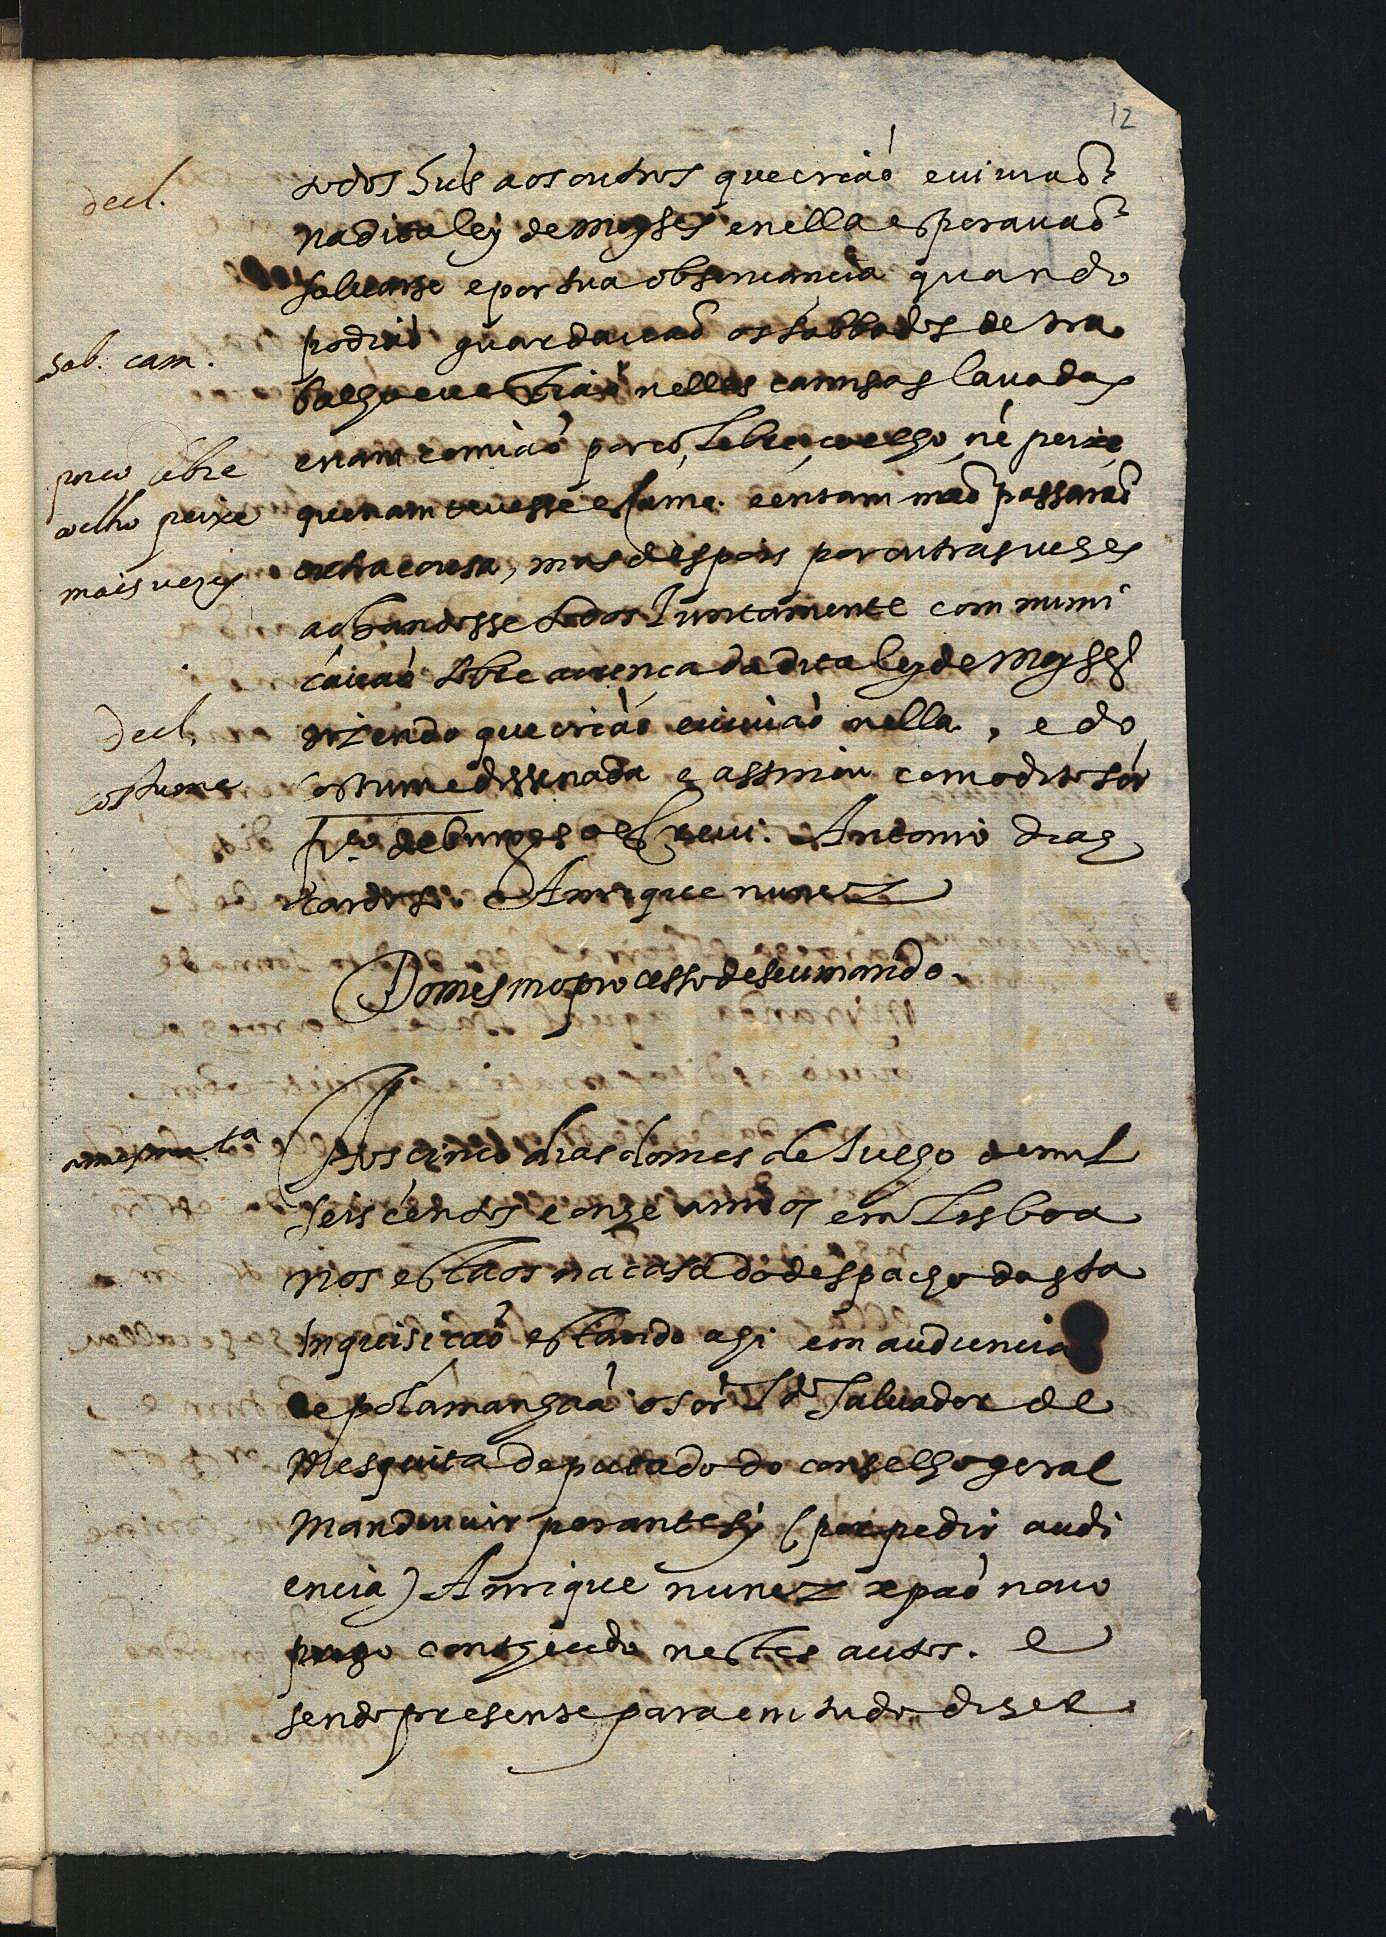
todos hus̄ aos outros que criaõ e uiuiaõ
na dita ley de moyses e nella esperauaõ
saluarse e por sua obseruançia quando
podiaõ guardauaõ os sabbados de tra
balho e uestiaõ nelles camisas lauadas
e nam comiaõ porco, lebre, coelho, nē peixe,
que nam teuesse esCama. e entam naõ passaraõ
outra cousa, mas despois por outras uezes
açhandosse todos Iuntamente communi
cauaõ sobre a crença da dita ley de Moyses
dizendo que crião e uiuiaõ nella, e do
costume disse nada e assinou com o dito sōr
fr.co de burges o esCreui. Antonio diaz
cardoso. Anrique nunez
Do mesmo processo de seu marido.
Aos çinco dias do mes de Iulho de miL
seiscentos e onze annos em Lisboa
nos estaos na casa do despacho da sta
Inquisiçaõ estando ahi em audiencia
de pola manhaã o sor̄ Ldo Saluador de
mesquita deputado do conselho geral
mandou uir perante sy (por pedir audi
encia) Anrique nunez xpaõ nouo
preso contheudo nestes autos. e
sendo presente para em tudo dizer
